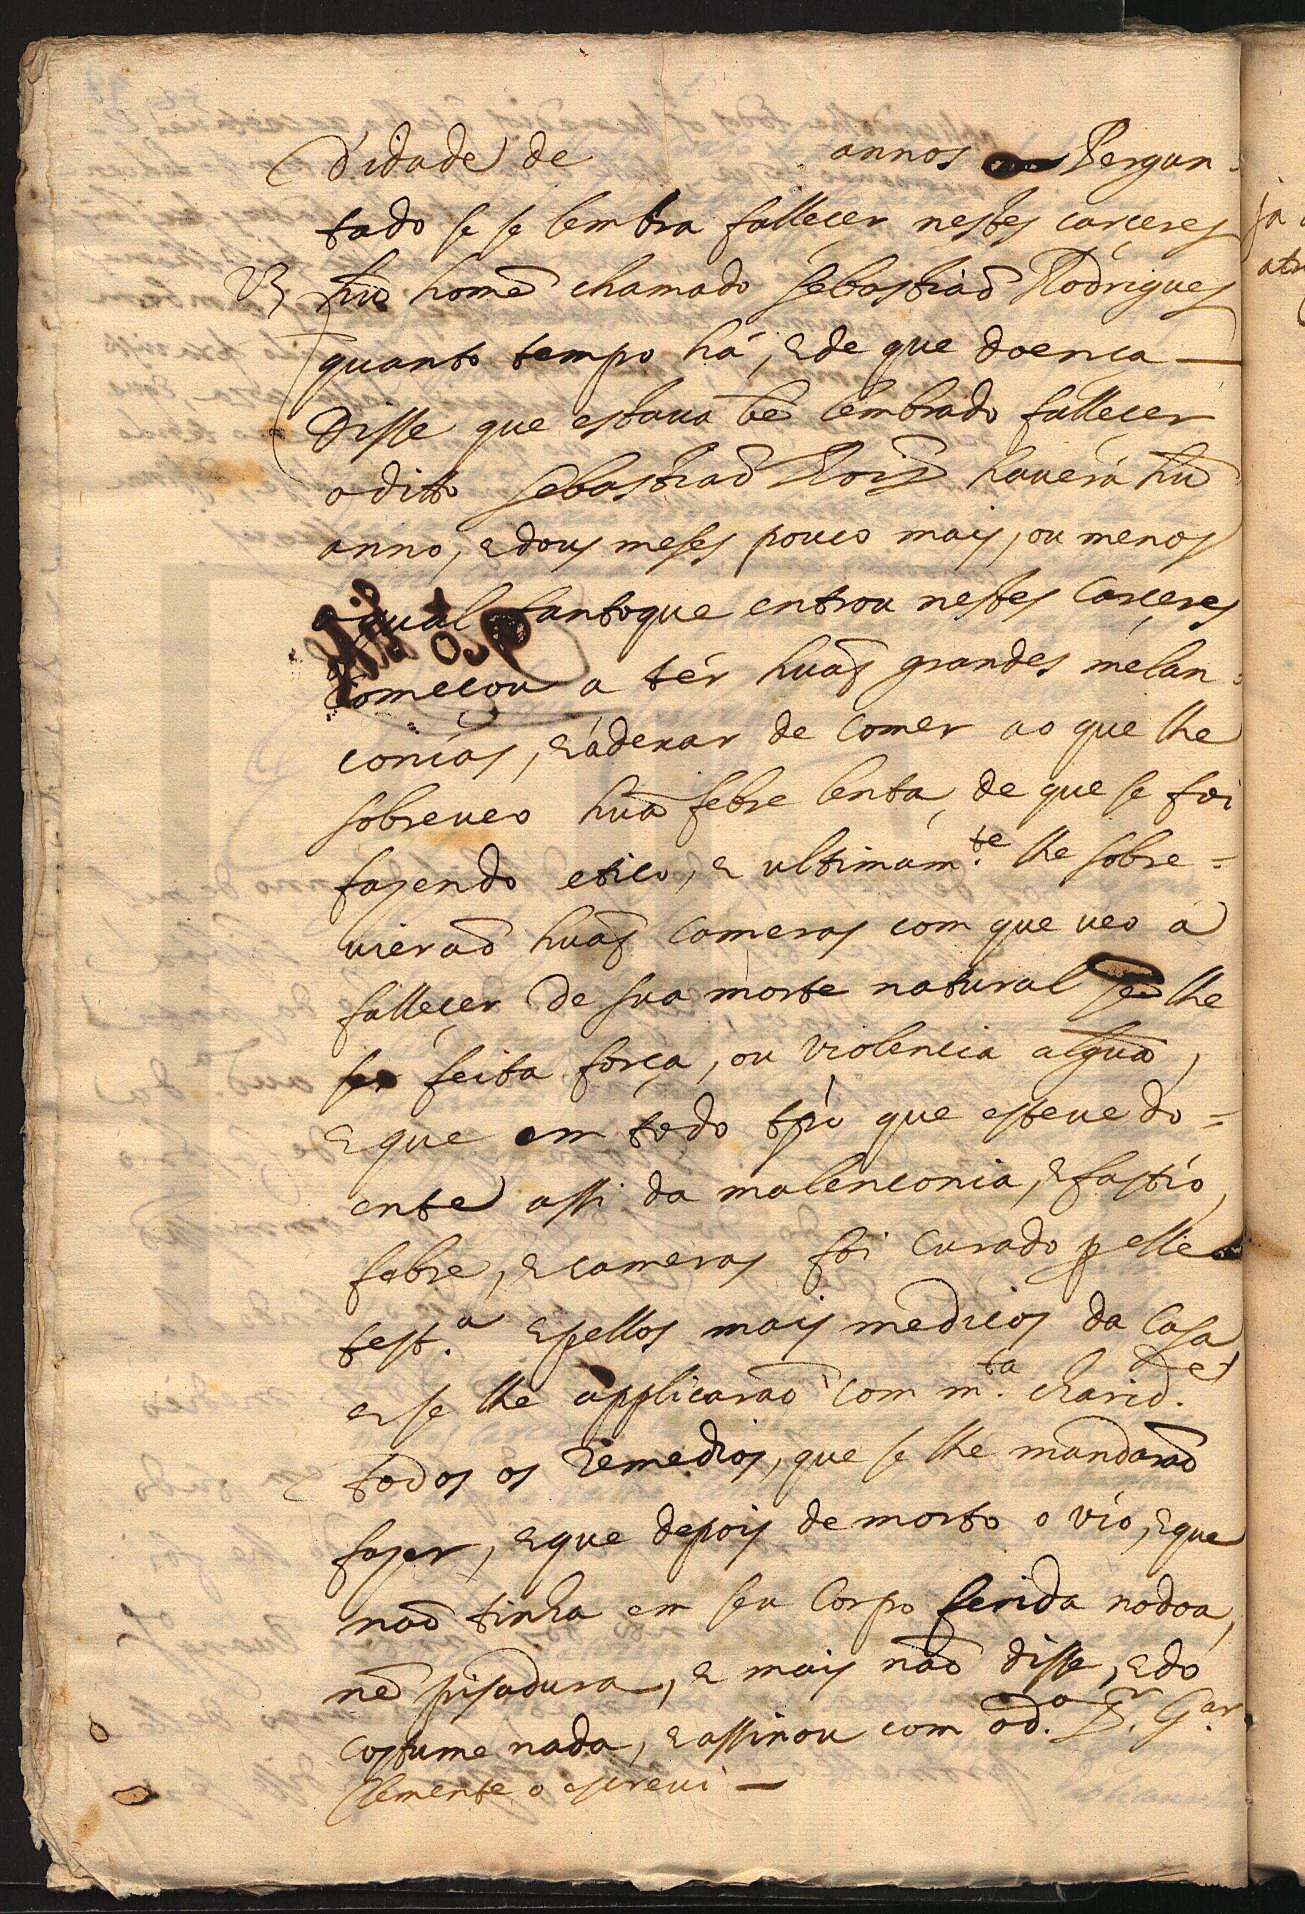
23
d'idade de annos _ Pergun
tado se se lembra falleçer nestes carçeres
hū homē chamado sebastiaõ Rodrigues
quanto tempo há, E de que doença
Disse que estaua bē lembrado falleçer
o ditto Sebastiaõ Roiz̄ hauerá hū
anno, E dous meses pouco mais, ou menos
o qual tanto que entrou nestes carçeres
começou a ter huās grandes melan
conias, e a dexar de comer ao que lhe
sobreueo huā febre lenta, de que se foi
fazendo etico, E ultimam.te lhe sobre
uieraõ huās cameras com que ueo a
falleçer de sua morte natural sē lhe
ser feita força, ou violencia alguā
E que em todo tpō que esteue do
ente assi da malenconia, E fastio,
febre, E cameras foi curado ꝑ elle
test.a E pellos mais medicos da Casa,
e se lhe applicaraõ com m.ta charid.e
todos os Remedios, que se lhe mandaraõ
fazer, E que depois de morto o vio, E que
naõ tinha em seu Corpo ferida nodoa,
nē pisadura, E mais não disse, E do
costume nada, E assinou com o d.o sr. G.ar
Clemente o escreui
